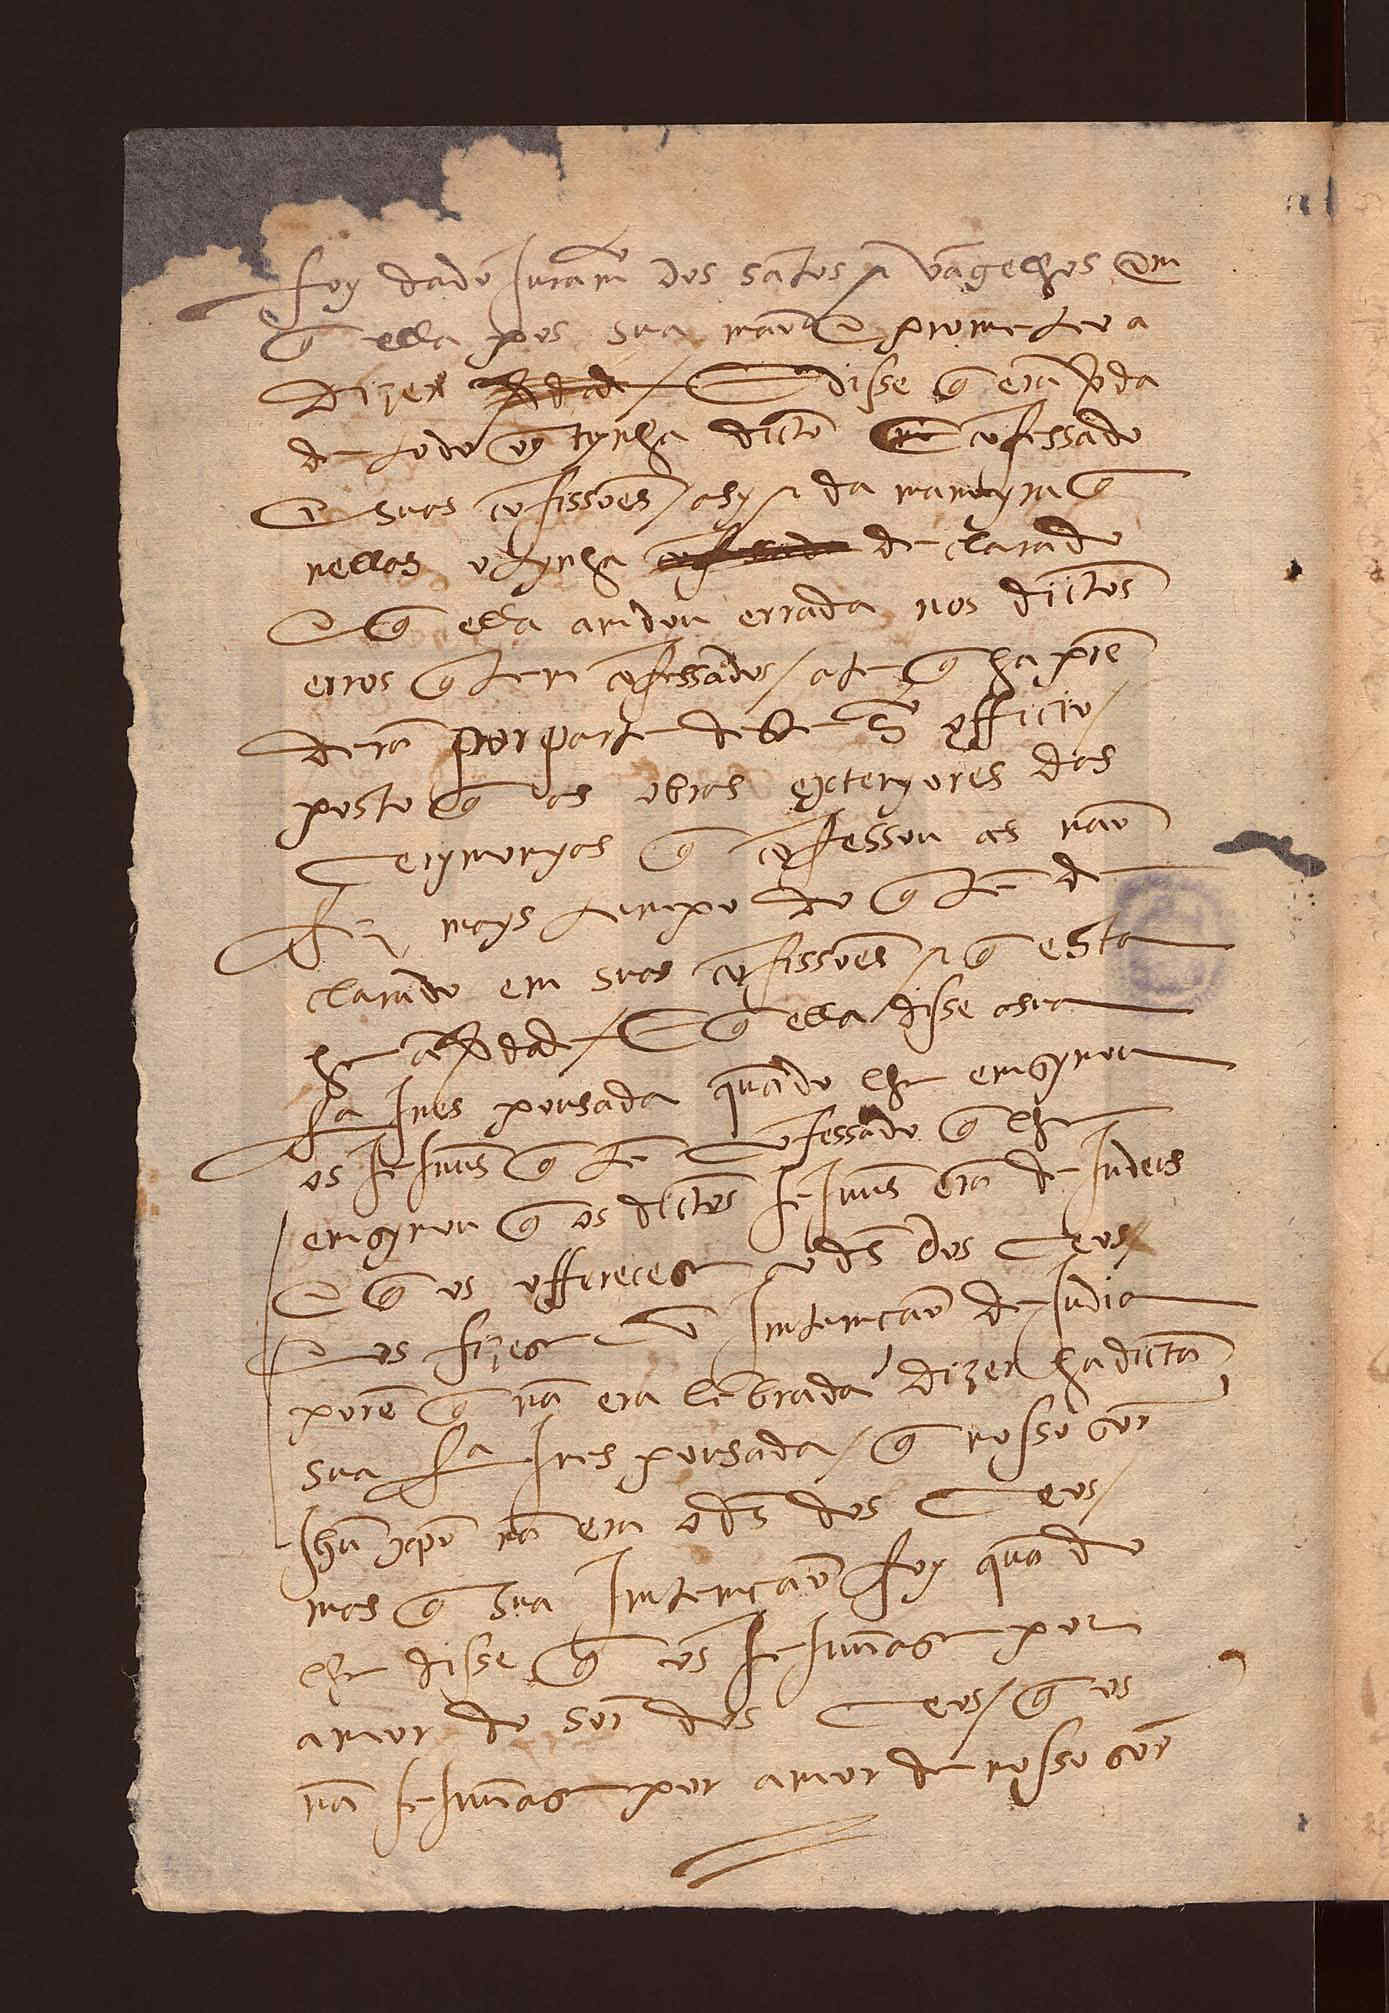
foy dado Juramto dos sātos evāgelhos em
q̅ ella pos sua mão e prometeo a
dizer ꝟdade / E disse q̄ era ꝟda
de todo o q̄ tynha dicto E cōfessado
ē suas cōfissões / asy e da maneyra q̄
nellas o tynha cōfessado declarado
e q̄ ella amdou errada nos dictos
erros q̄ tem cōfessados / ate q̄ ha prē
derā por parte deste Sto officio /
posto q̄ as obras exteryores das
Cerymonyas q̄ cōfessou as não
fez mays tempo do q̄ tē de
clarado em suas c̄ofissões e q̄ esta
he a ꝟdade / E q̄ ella disse a sua
fa Jnes pousada qūado lhe emsynou
os JeJūus q̄ tē Cōfessado q̄ lhe
emsynou q̅ os dictos JeJūus erā de Judeus
e q̄ os offerecese ao ds̄ dos Ceos/
e os fizese cō Jmtemção de Judia
porē q̄ nā era lēbrada dizer ha dicta
sua fa Jnes pousada / q̄ nosso sōr
Jhū xp̄o nā era o ds̄ dos Ceos /
mas q̄ sua Jmtemção foy qūado
lhe disse q̄ os JeJuūase por
amor do sōr dos Ceos / q̄ os
nā JeJuūase por amor de nosso sor̄
